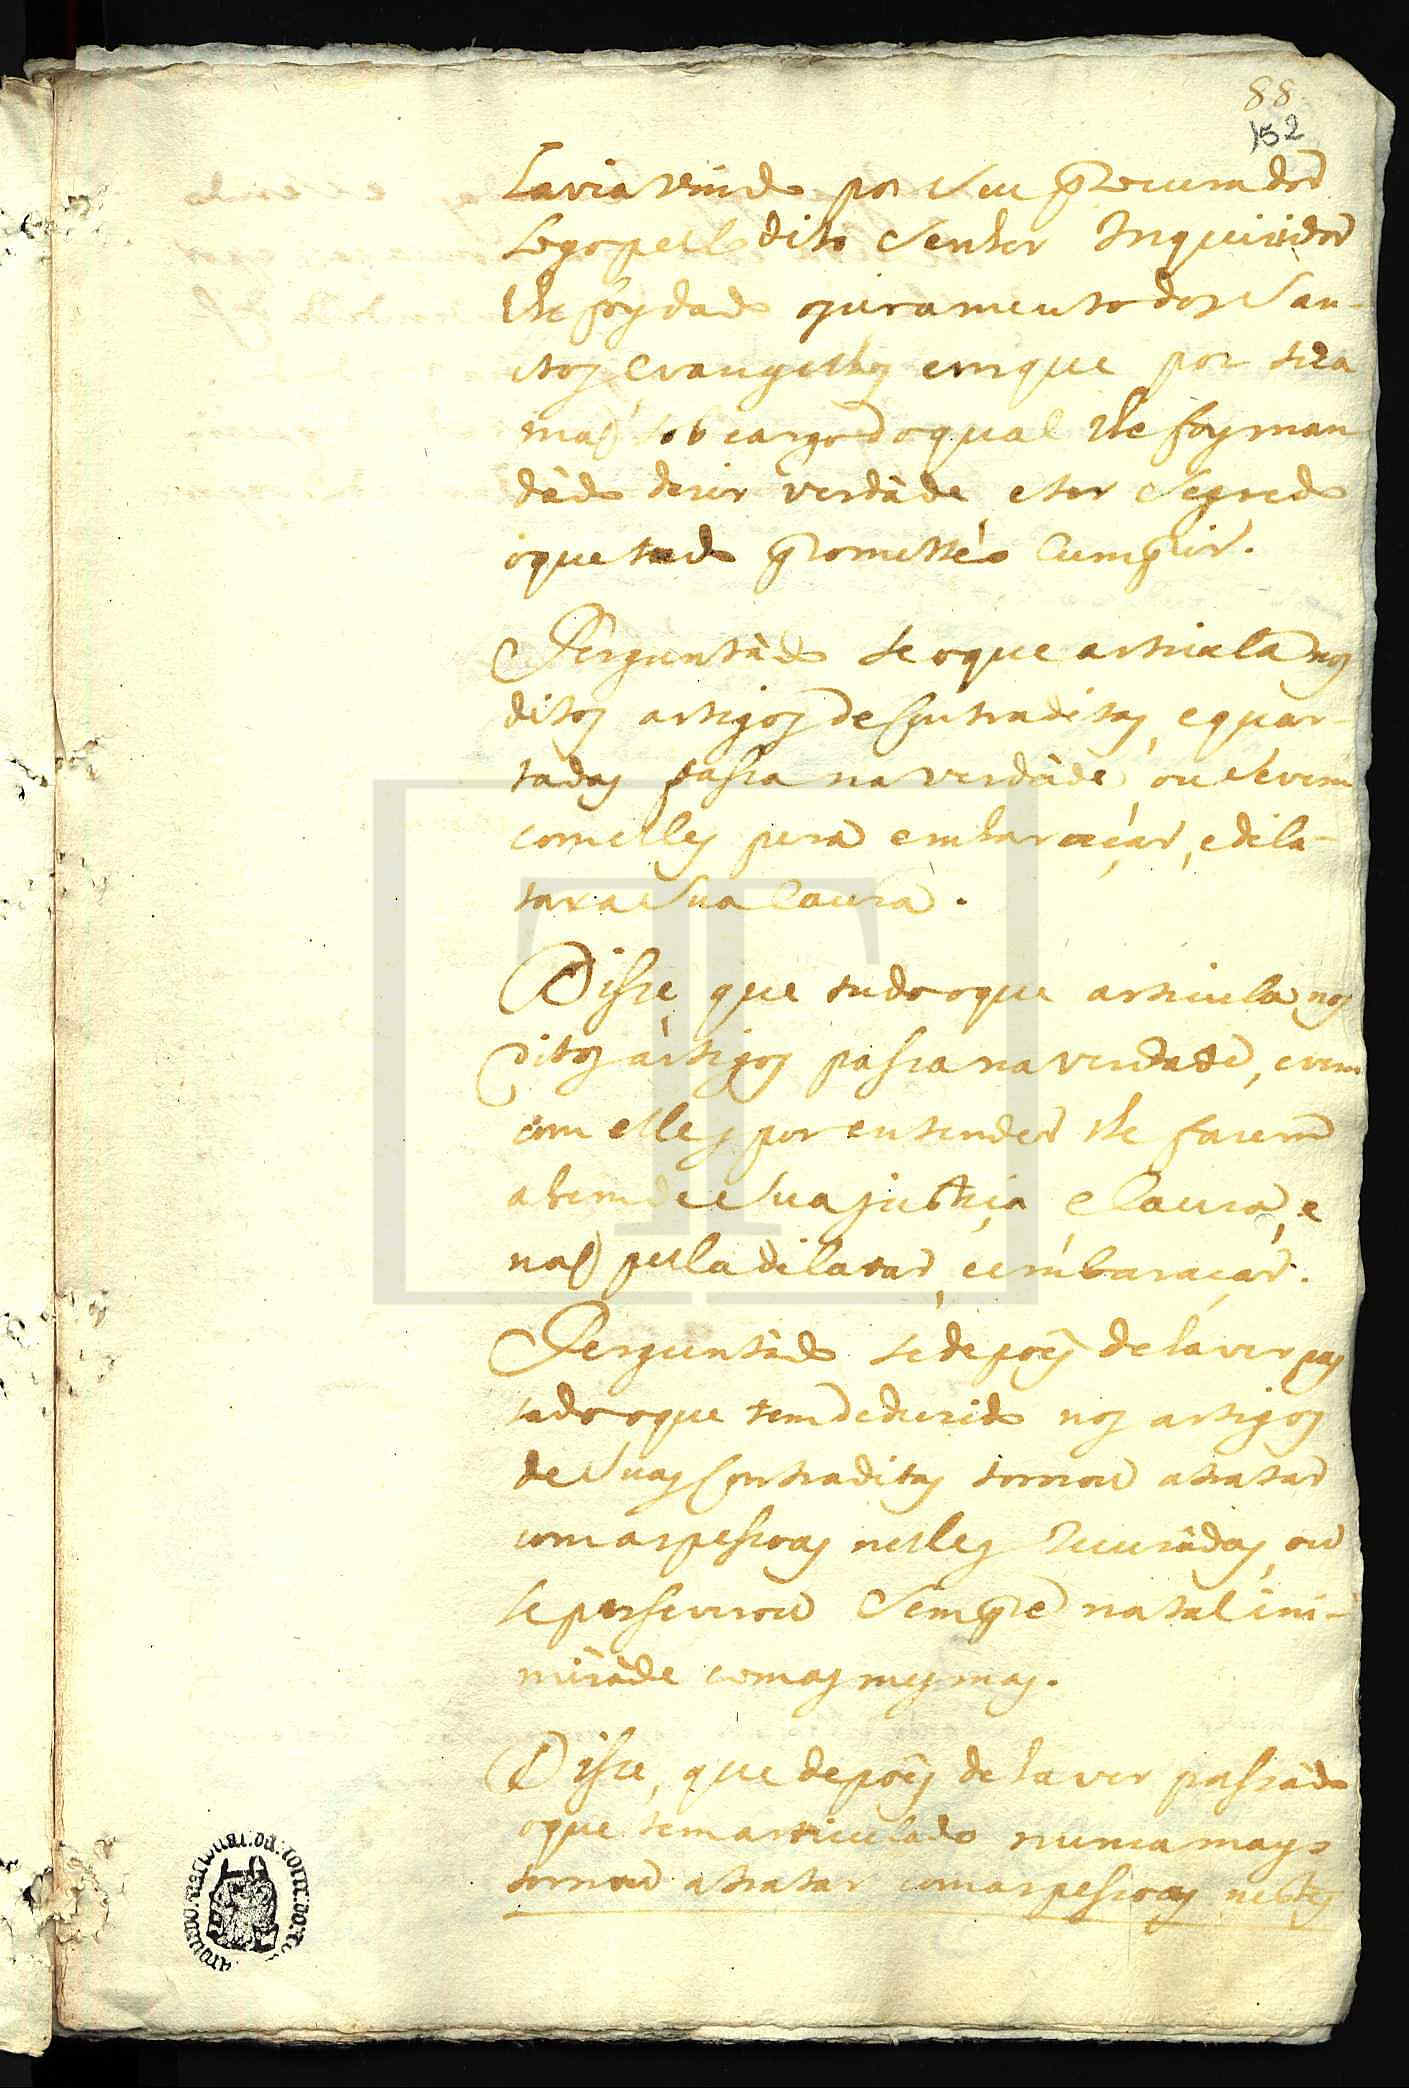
havia vindo por Seu procurador
Logo pello dito Senhor Inquizidor
lhe foy dado o juramento dos San
ctos evangelhos em que por sua
maõ sob cargo do qual lhe foy man
dado dizer verdáde, e ter segredo
o que tudo promettéo cumprir.
Perguntádo Se o que articula nos
ditos artigos de Contraditas, e quar
tadas passa na verdáde, ou Se vem
com elles pera embaraçár, e dela
tar a Sua Cauza.
Disse que tudo o que articula nos
ditos artigos passa na verdade, e vem
com elles por entender lhe fazem
a bem de Sua justiça e Cauza, e
naõ pella dilatar, e embaraçar.
Perguntádo se depoēs de la ver pas
sado o que tem deduzido nos artigos
de Suas Contraditas tornou a tratar
com as pessoas nelles recuzâdas, ou
se perseverou Sempre na tal ini
mizáde com as mesmas.
Disse, que depoês de la ver passado
o que tem articulado nunca mays
tornou a tratar com as pessoas nestes
